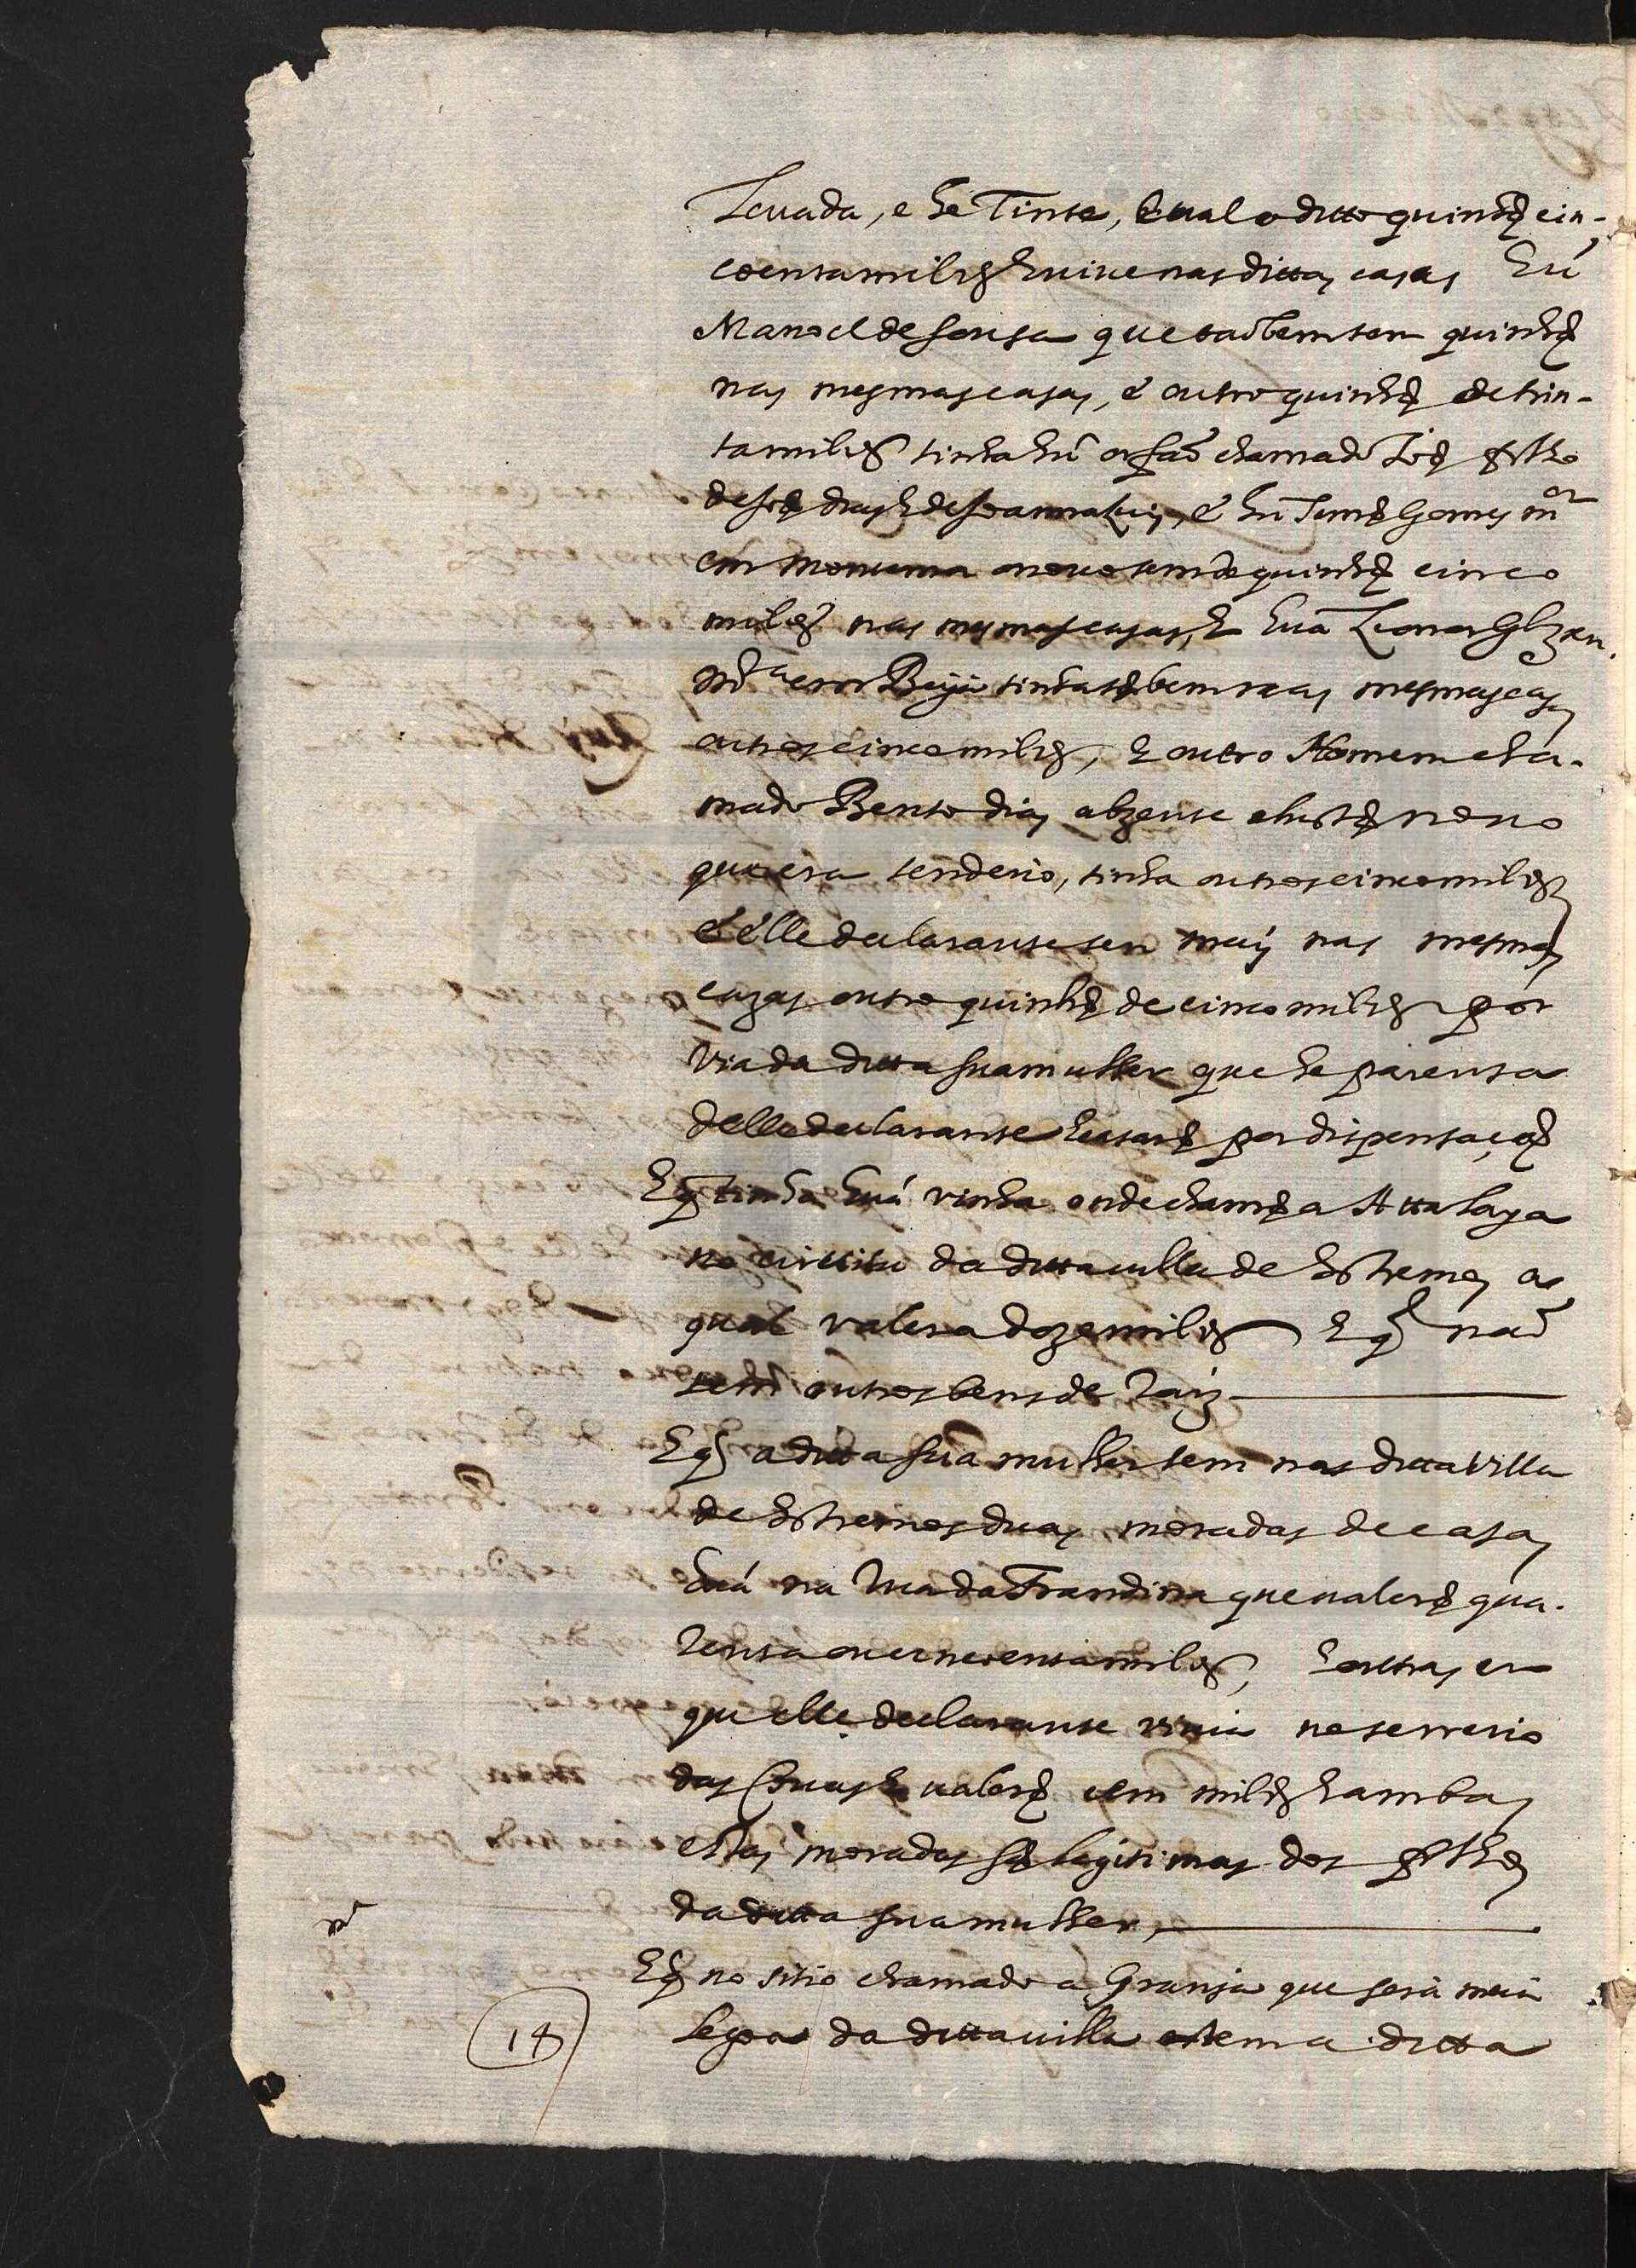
leuada, e he Tinte, e ual o ditto quinhão cin
coenta mil rs E uiue nas dittas casas hū
Manoel de sousa que taõbem tem quinhaõ
nas mesmas casas, e outro quinhaõ de trin
ta mil rs tinha hū orfaõ chamado Ioão filho
de João dias E de Joanna Luis, e hū simão Gomes mor
em montemor o nouo tem de quinhão cinco
mil rs nas mesmas casas, E huā Leonor Glz xn
mra em Beija tinha tãobem nas mesmas casas
outros cinco mil rs, E outro Homem cha
mado Bento dias abzente christaõ nouo
que era tendeiro, tinha outros cinco mil rs
E elle declarante tem mais nas mesmas
cazas outro quinhão de cinco mil rs por
via da ditta sua mulher que he parenta
delle declarante E casaraõ por dispensaçaõ
E q̄ tinha huā vinha onde chamão a Attalaya
no circuitu da dita uilla de Estremos a
qual valera doze mil rs E q̄ naõ
tem outros bens de Raiz
E q̄ a dita sua mulher tem nas ditta villa
de Estremos duas moradas de casas
huā na Rua da Frandina que ualerão qua
renta ou cincoenta mil rs, E outras em
que elle declarante viuia no terreiro
das Couas E ualerão cem mil rs E ambas
estas moradas são legitimas dos filhos
da ditta sua mulher
E q̄ no sitio chamado a Granja que serà meia
Legoa da ditta uilla estem a ditta
